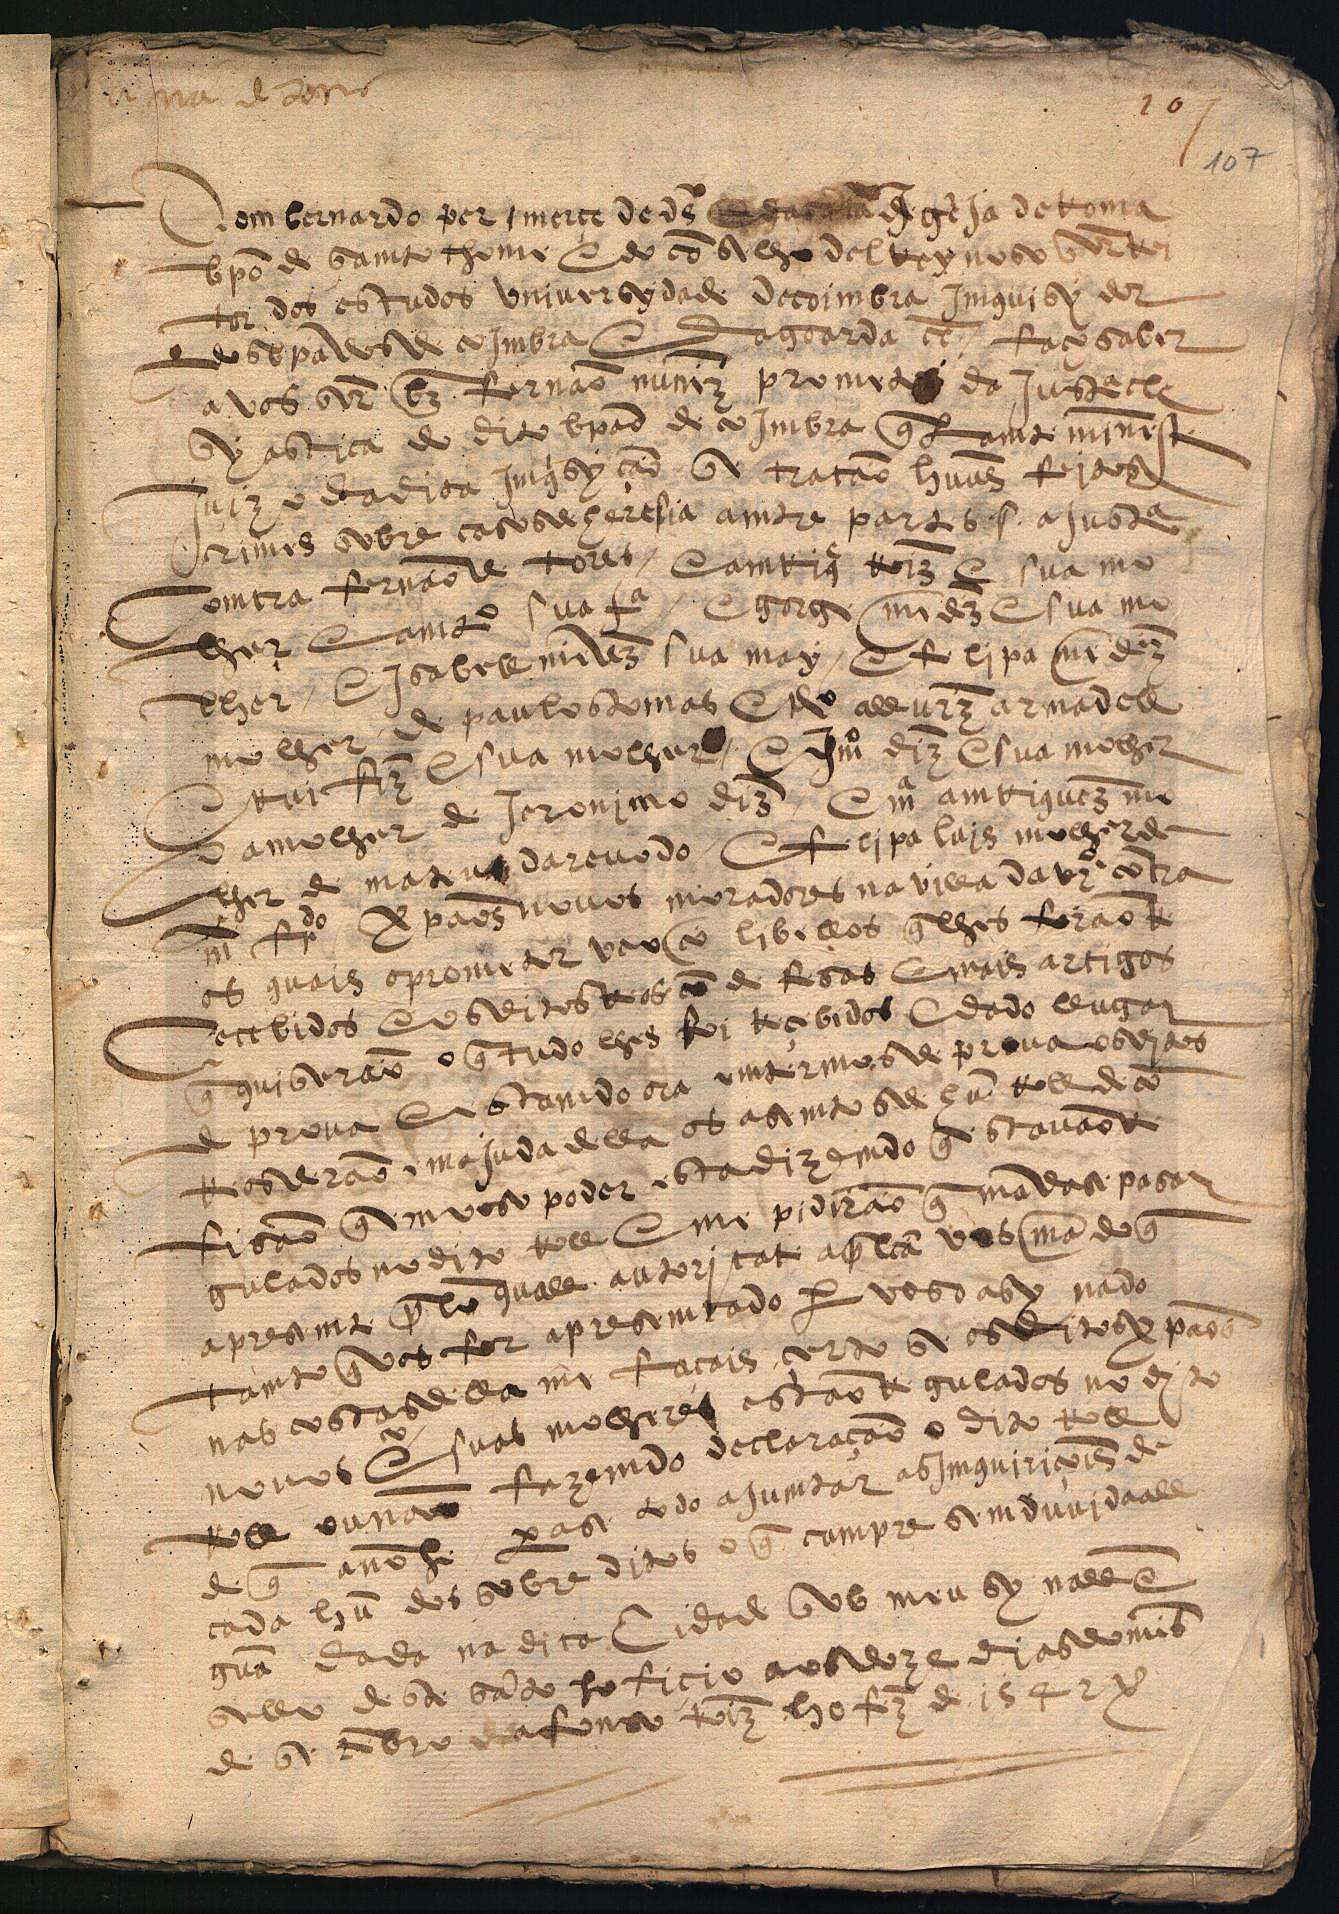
ana de tores
Dom bernardo per / merçe de ds̄ e da sāta JgreJa de Roma
bp̄o de samto thome e do c̄oselho del Rey noso sōr Rei
tor dos estudos vniuersydade de coimbra Jmqujsydor
dos bpādos de coJmbra e da goarda c̄c/ faço saber
a vos sōr b̄z fernão nunez prometor da Justa cle
syastica do dito bpāo de coJmbra q̄ ꝑamte m̄i neste
Juizo da dita Jmqisyção se tratão huūs fejtos
crimes sobre casos de heresia amtre partes .s. a Justa
Comtra fernão de tores / e amRiqe Rōiz e sua mo
lher e amto sua fa / e gorge m̄edez e sua mo
lher / e Jsabell mēdez sua may / e feljpa m̄edez
molher de paulos tomas e dio allur̄z armadell
e Rui frz̄ e sua molher / e Jmo dīz e sua molher
e a molher de Jeronjmo dīz / e ma amRiquez mo
lher de mateu_ darcuodo / e feljpa lujs molher de
mte frdo/ Xpãos nouos moradores na villa davro. cōtra
os quais o prometor veo c̄o libellos q̄ lhes forão Re
Cecebidos e os ditos Reos c̄o defesas e mais artigos
q̄ quiserão o q̄ tudo lhes foi Reçebidos e dado llugar
de proua e estamdo ora em termos de proua os djtos
Reos derão em aJuda della os asemtos de hū Roll de c̄o
fisão q̄ em voso poder esta dizemdo q̄ estauão Re
gulados no dito Roll e me pidirão q̄ mādase pasar
a presemte p̄lo quall autorjtate ap̄lcā vos mādo q̄
tamto q̄ vos for apresemtado ꝑ voso asynado
nas costas della me façais çerto se os ditos Xpãos
nouos e suas molheres estão Regulados no djto
co/
Roll ou não fazemdo declaração o dito Roll
de q̄ a nō he / ꝑa se todo aJumtar as Jmquiriçõis de
cada hū dos sobreditos o q̄ cumpre sem duujda all
gūa dada na dita Cidade sob meu synall e
sello deste sāto hofiçio aos doze dias do mes
de setēbro d afonso Rōiz ho fez de i542
